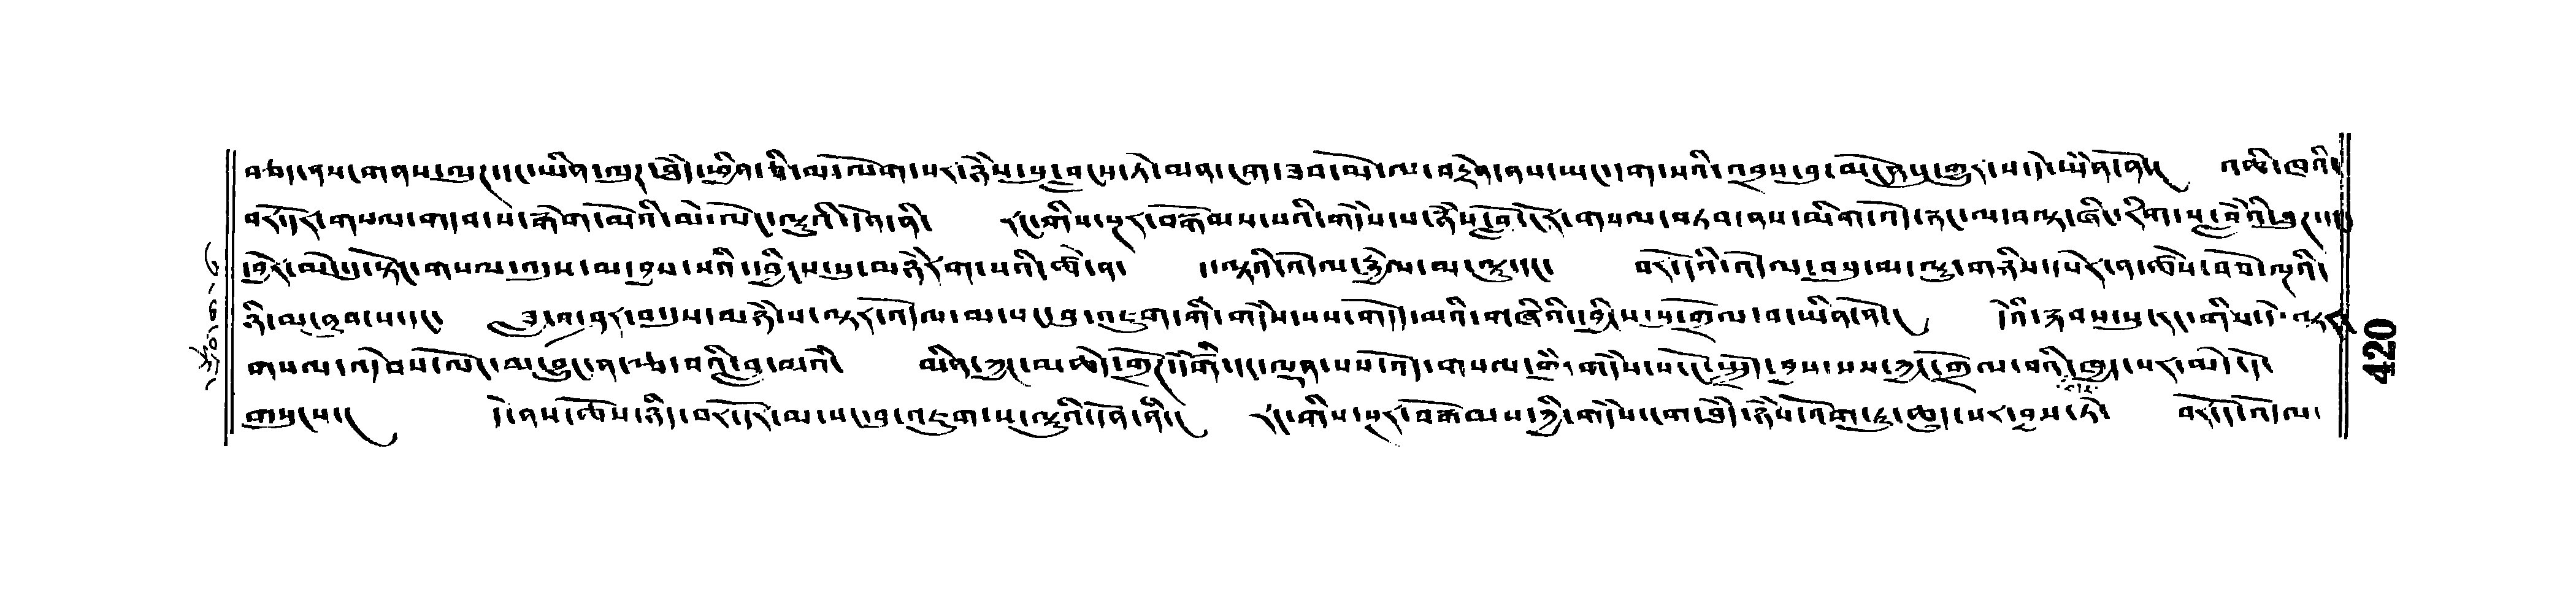བཅད་ནས་གནས་ལུགས་དང་ཡིན་ལུགས་ཐམས་ཅད་ཕྱིན་ཅི་མ་ལོག་པར་ཉམས་སུ་བླངས་ཏེ་མན་ངག་ཟབ་མོ་ལ་བརྟེན་ནས་ཡང་དག་པའི་འབྲས་བུ་མངོན་དུ་གྱུར་པ་དེ་ཡིན་ནོ། འཆི་ཁའི་
བར་དོར་གསལ་གདབ་པ་སྒེག་མོའི་མེ་ལོང་ལྟ་བུའི་དོན་ནི། རང་གིས་སྔར་བསྒོམས་པའི་གདམས་པ་རྣམས་བློ་ངོར་གསལ་བཏབ་ནས་མིག་འོད་སྣང་ལ་བལྟ་ཞིང་རིག་པ་བླ་མའི་ཐུགས་
དང་དབྱེར་མེད་དུ་སྟོང་གསལ་འདུས་མ་བྱས་པའི་དབྱིངས་སུ་མཉམ་པར་བདག་པའི་ཚེ་ན། ད་ལྟའི་འོད་གསལ་སྐྱེལ་མ་ལྟ་བུ་དང་། བར་དོའི་འོད་གསལ་བསུ་མ་ལྟ་བུ་གཉིས་དཔེར་ན་ཚེས་བཅོ་ལྔའི་
ཉི་མ་ནུབ་པ་དང་། ཟླ་བ་ཤར་བ་དུས་མཉམ་པ་ལྟར་འོད་གསལ་མ་པང་བུ་འཇུག་གི་གདམས་པས་གདོད་མའི་གཞིའི་དབྱིངས་སུ་གྲོལ་བ་ཡིན་ནོ། དེའི་སྐབས་སུ་རང་གིས་དེ་ལྟར་
གསལ་འདེབས་ལོང་མ་བྱུང་ན་རྩ་བའི་བླ་མའམ། མིན་ཀྱང་མཆེད་གྲོགས་དམ་ཚིག་དང་ལྡན་པས་འོད་གསལ་གྱི་གདམས་པ་ངོ་སྤྲོད་བྱས་པས་ཀྱང་གྲོལ་བའི་སར་ཁྱད་པར་མེད་དོ། 
གསུངས། དེ་ནས་ཆོས་ཉིད་བར་དོར་མ་པང་བུ་འཇུག་པ་ལྟ་བུའི་དོན་ནི། རང་གིས་སྔར་བསྒོམས་ཀྱི་གདམས་ངག་ཐམས་ཅད་ཉམས་འོག་ཏུ་ཆུད་པར་བྱས་ཏེ། བར་དོ་འོད་གསལ་